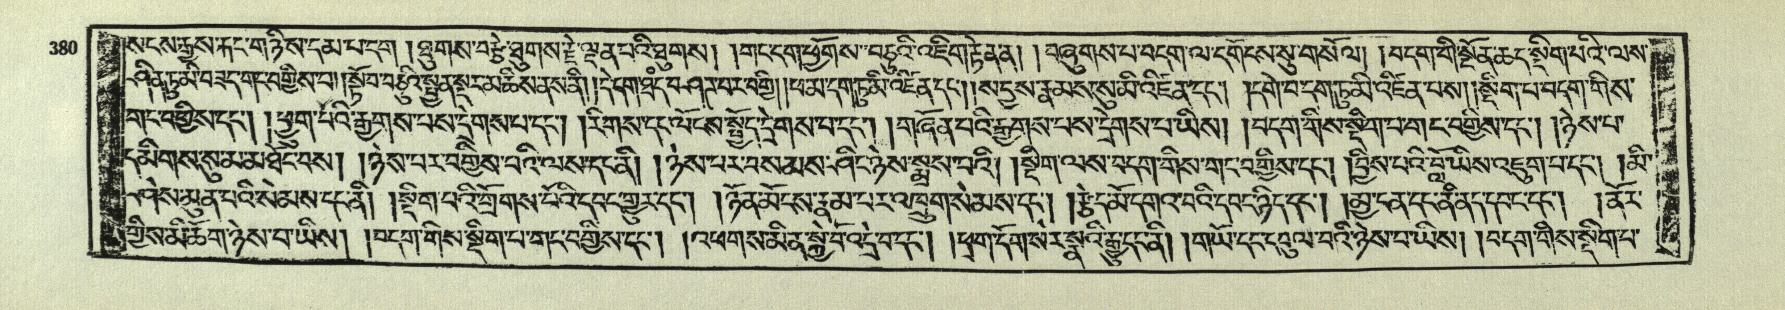སངས་རྒྱས་རྐང་གཉིས་དམ་པ་དག །ཐུགས་བརྩེ་ཐུགས་རྗེ་ལྡན་པའི་ཐུགས། །གང་དག་ཕྱོགས་བཅུའི་འཇིག་རྟེན་ན། །བཞུགས་པ་བདག་ལ་དགོངས་སུ་གསོལ། །བདག་གི་སྔོན་ཆད་སྡིག་པའི་ལས་
ཤིན་ཏུ་མི་བཟད་གང་བགྱིས་པ། །སྟོབ་བཅུའི་སྤྱན་སྔར་མཆིས་ནས་ནི། །དེ་དག་ཐཾད་བཤཌ་པར་བགྱི། །ཕ་མ་དག་ཏུ་མི་འཛིན་དང་། །སདྱས་རྣམས་སུ་མི་འཛིན་དང་། །དགེ་བ་དག་ཏུ་མི་འཛིན་པས། །སྡིག་པ་བདག་གིས་
གང་བགྱིས་དང་། །ཕྱུག་པོའི་རྒྱགས་པས་དྲེགས་པ་དང་། །རིགས་དང་ལོངས་སྤྱོད་དྲེགས་པ་དང་། །གཞོན་པའི་རྒྱགས་པས་དྲེགས་པ་ཡིས། །བདག་གིས་སྡིག་པ་གང་བགྱིས་དང་། །ཉེས་པ་
དམིགས་སུ་མ་མཐོང་བས། །ཉེས་པར་བགྱིས་པའི་ལས་དང་ནི། །ཉེས་པར་བསམས་ཤིང་ཉེས་སྨྲས་པའི། །སྡིག་ལས་བདག་གིས་གང་བགྱིས་དང་། །བྱིས་པའི་བློ་ཡིས་འཇུག་པ་དང་། །མི་
ཤེས་མུན་པའི་སེམས་དང་ནི། །སྡིག་པའི་གྲོགས་པོའི་དབང་གྱུར་དང་། །ཉོན་མོངས་རྣམ་པར་འཁྲུག་སེམས་དང་། །རྩེད་མོ་དགའ་བའི་དབང་ཉིད་དང་། །མྱ་ངན་དང་ནི་ནད་དབང་དང་། །ནོར་
གྱིས་མི་ཆོག་ཉེས་པ་ཡིས། །བདག་གིས་སྡིག་པ་གང་བགྱིས་དང་། །འཕགས་མིན་སྐྱེ་བོ་འདྲེ་བ་དང་། །ཕྲག་དོག་སེར་སྣའི་རྒྱུ་དང་ནི། །གཡོ་དང་དབུལ་བའི་ཉེས་པ་ཡིས། །བདག་གིས་སྡིག་པ་